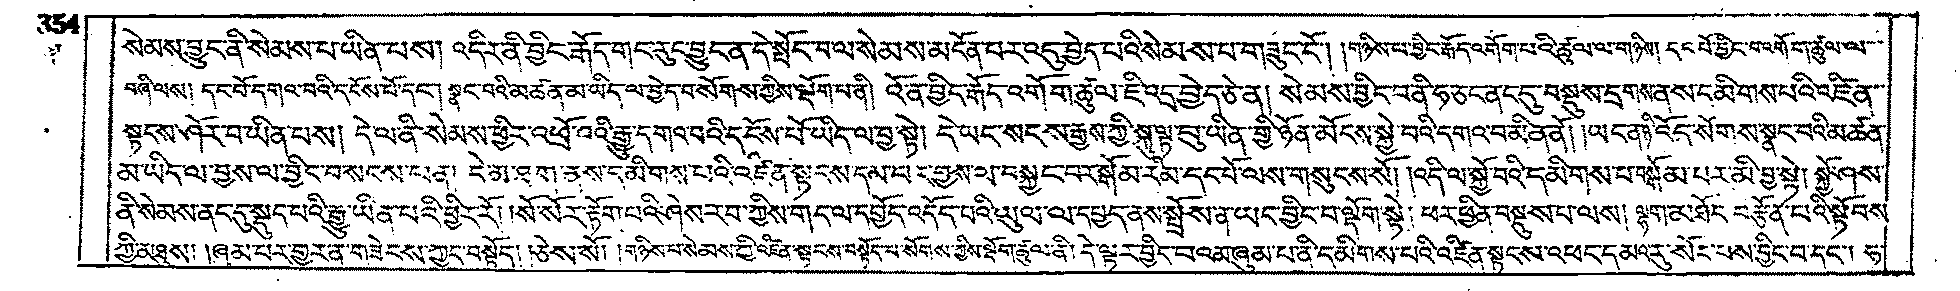སེམས་བྱུང་ནི་སེམས་པ་ཡིན་པས། འདིར་ནི་བྱིང་རྒོད་གང་རུང་བྱུང་ན་དེ་སྤོང་བ་ལ་སེམས་མངོན་པར་འདུ་བྱེད་པའི་སེམས་པ་གཟུང་ངོ། །གཉིས་པ་བྱིང་རྒོད་འགོག་པའི་ཚུལ་ལ་གཉིས། དང་པོ་བྱིང་བ་འགོག་ཚུལ་ལ་
བཞི་ལས། དང་པོ་དགའ་བའི་དངོས་པོ་དང་། སྣང་བའི་མཚན་མ་ཡིད་ལ་བྱེད་པ་སོགས་ཀྱིས་ལྡོག་པ་ནི། འོ་ན་བྱིང་རྒོད་འགོག་ཚུལ་ཇི་འདྲ་བྱེད་ཅེ་ན། སེམས་བྱིང་བ་ནི་ཧ་ཅང་ནང་དུ་བསྡུས་དྲགས་ནས་དམིགས་པའི་འཛིན་
སྟངས་ཤོར་བ་ཡིན་པས། དེ་ལ་ནི་སེམས་ཕྱིར་འཕྲོ་བའི་རྒྱུ་དགའ་བའི་དངོས་པོ་ཡིད་ལ་བྱ་སྟེ། དེ་ཡང་སངས་རྒྱས་ཀྱི་སྐུ་ལྟ་བུ་ཡིན་གྱི་ཉོན་མོངས་སྐྱེ་བའི་དགའ་བ་མིན་ནོ། །ཡང་ན་ཉི་འོད་སོགས་སྣང་བའི་མཚན་
མ་ཡིད་ལ་བྱས་ལ་བྱིང་བ་སངས་པ་ན། དེ་མ་ཐག་ནས་དམིགས་པའི་འཛིན་སྟངས་དམ་པར་བྱས་ལ་བསྐྱང་བར་སྒོམ་རིམ་དང་པོ་ལས་གསུངས་སོ། །འདི་ལ་སྐྱོ་བའི་དམིགས་པ་བསྒོམ་པར་མི་བྱ་སྟེ། སྐྱོ་ཤས་
ནི་སེམས་ནང་དུ་སྡུད་པའི་རྒྱུ་ཡིན་པའི་ཕྱིར་རོ། །སོ་སོར་རྟོག་པའི་ཤེས་རབ་ཀྱིས་གང་ལ་དཔྱོད་འདོད་པའི་ཡུལ་ལ་དཔྱད་ནས་སྤྲོས་ན་ཡང་བྱིང་བ་ལྡོག་སྟེ། ཕར་ཕྱིན་བསྡུས་པ་ལས། ལྷག་མཐོང་བརྩོན་པའི་སྟོབས་
ཀྱི་མཐུས། །ཞུམ་པར་གྱུར་ན་གཟེངས་ཀྱང་བསྟོད། །ཅེས་སོ། །གཉིས་པ་སེམས་ཀྱི་འཛིན་སྟངས་བསྟོད་པ་སོགས་ཀྱིས་ལྡོག་ཚུལ་ནི།  དེ་ལྟར་བྱིང་བའམ་ཞུམ་པ་ནི་དམིགས་པའི་འཛིན་སྟངས་འཕང་དམའ་རུ་སོང་པས་བྱིང་བ་དང་། ཧ་